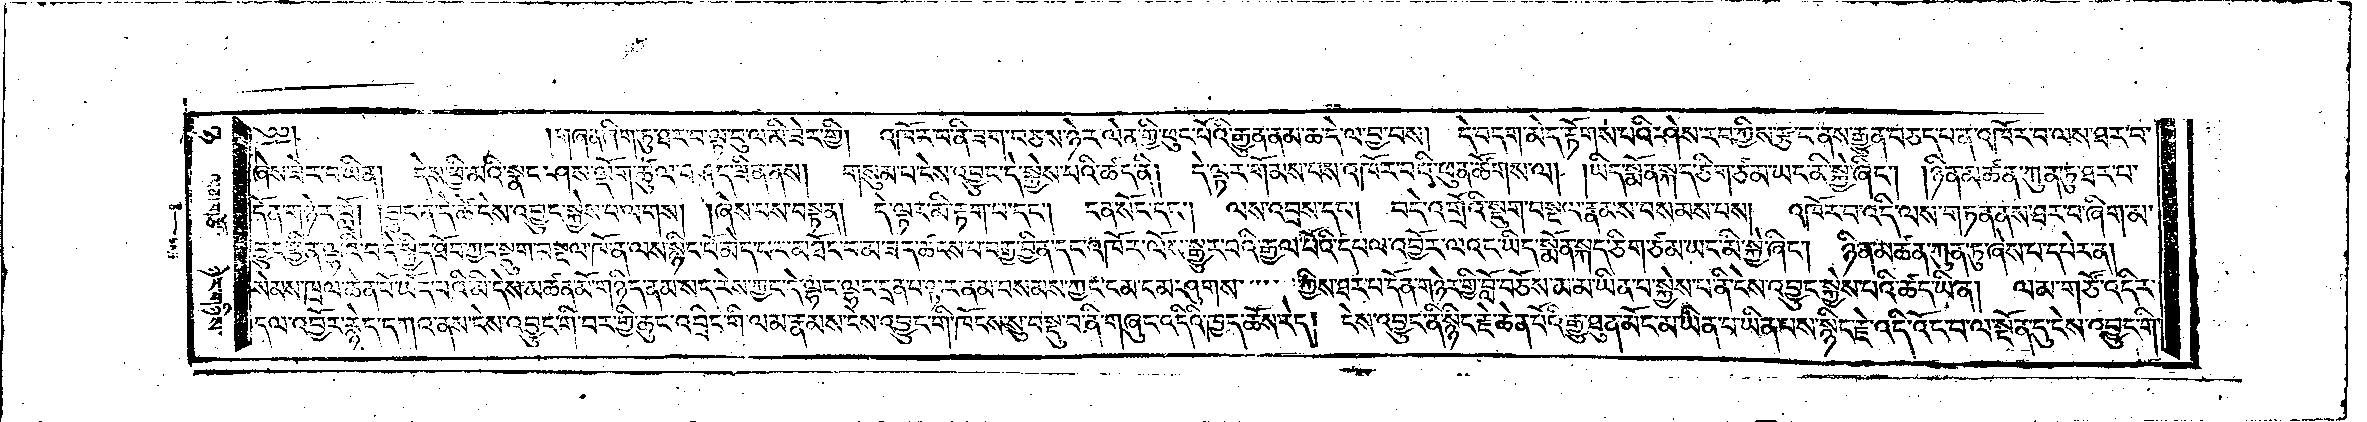༄༅། །གཞན་ཞིག་ཏུ་ཐར་བ་ལྟ་བུ་ལ་མི་ཟེར་གྱི། འཁོར་བ་ནི་ཟག་བཅས་ཉེར་ལེན་གྱི་ཕུང་པོའི་རྒྱུན་ནམ་ཆ་དེ་ལ་བྱ་བས། དེ་བདག་མེད་རྟོགས་པའི་ཤེས་རབ་ཀྱིས་རྩ་བ་ནས་རྒྱུན་བཅད་པ་ན་འཁོར་བ་ལས་ཐར་བ་
ཞེས་ཟེར་བ་ཡིན། དེས་ཕྱི་མའི་སྣང་ཤས་ལྡོག་ཚུལ་བཤད་ཟིན་ནས། གསུམ་པ་ངེས་འབྱུང་དེ་སྐྱེས་པའི་ཚད་ནི། དེ་ལྟར་གོམས་པས་འཁོར་བའི་ཕུན་ཚོགས་ལ། །ཡིད་སྨོན་སྐད་ཅིག་ཙམ་ཡང་མི་སྐྱེ་ཞིང་། །ཉིན་མཚན་ཀུན་ཏུ་ཐར་པ་
དོན་གཉེར་བློ། །བྱུང་ན་དེ་ཚེ་ངེས་འབྱུང་སྐྱེས་པ་ལགས། །ཞེས་པས་བསྟན། དེ་ལྟར་མི་རྟག་པ་དང་། ངན་སོང་དང་། ལས་འབྲས་དང་། བདེ་འགྲོའི་སྡུག་བསྔལ་རྣམས་བསམས་པས། འཁོར་བ་འདི་ལས་གཏན་ནས་ཐར་པ་ཞིག་མ་
བྱུང་ཕྱིན་ལྷའི་བདེ་སྐྱིད་ཐོབ་ཀྱང་སྡུག་བསྔལ་ཁོ་ན་ལས་སྙིང་པོ་མེད་པར་མཐོང་བ་མ་ཟད་ཚངས་པ་བརྒྱ་བྱིན་དང་འཁོར་ལོས་སྒྱུར་བའི་རྒྱལ་པོའི་དཔལ་འབྱོར་ལའང་ཡིད་སྨོན་སྐད་ཅིག་ཙམ་ཡང་མི་སྐྱེ་ཞིང་། ཉིན་མཚན་ཀུན་ཏུ་ཞེས་པ་དཔེར་ན།
སེམས་ཁྲལ་ཆེན་པོ་ཡོད་པའི་མི་དེས་མཚན་མོ་གཉིད་ནམ་སད་རེས་ཀྱང་དེ་ལྷང་ལྷང་དྲན་པ་ལྟར་ནམ་བསམས་ཀྱང་ངམ་ངམ་ཤུགས་ཀྱིས་ཐར་པ་དོན་གཉེར་གྱི་བློ་བཅོས་མ་མ་ཡིན་པ་སྐྱེས་པ་ནི་ངེས་འབྱུང་སྐྱེས་པའི་ཚད་ཡིན། ལམ་གཙོ་འདིར་
དལ་འབྱོར་རྙེད་དཀའ་ནས་ངེས་འབྱུང་གི་བར་གྱི་ཆུང་འབྲིང་གི་ལམ་རྣམས་ངེས་འབྱུང་གི་ཁོངས་སུ་བསྡུ་བ་ནི་གཞུང་འདིའི་ཁྱད་ཆོས་རེད། ངེས་འབྱུང་ནི་སྙིང་རྗེ་ཆེན་པོའི་རྒྱུ་ཐུན་མོང་མ་ཡིན་པས་སྙིང་རྗེ་འདི་འོང་བ་ལ་སྔོན་དུ་ངེས་འབྱུང་གི་